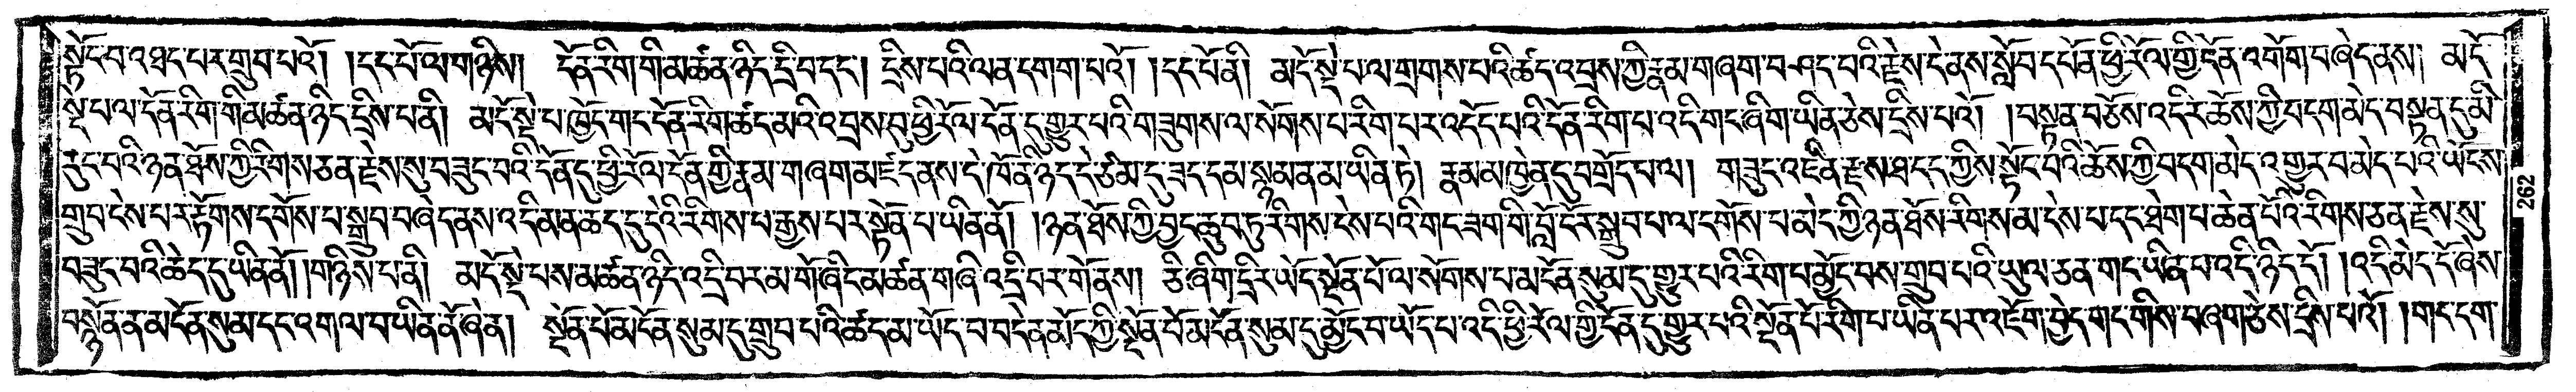སྟོང་བ་འཐད་པར་གྲུབ་པའོ། །དང་པོ་ལ་གཉིས། དོན་རིག་གི་མཚན་ཉིད་དྲི་བ་དང་། དྲིས་པའི་ལན་དགག་པའོ། །དང་པོ་ནི། མདོ་སྡེ་པ་ལ་གྲགས་པའི་ཚད་འབྲས་ཀྱི་རྣམ་གཞག་བཤད་པའི་རྗེས་དེ་ནས་སློབ་དཔོན་ཕྱི་རོལ་གྱི་དོན་འགོག་བཞེད་ནས། མདོ་
སྡེ་པ་ལ་དོན་རིག་གི་མཚན་ཉིད་དྲིས་པ་ནི། མདོ་སྡེ་པ་ཁྱོད་གང་དོན་རིག་ཚད་མའི་འབྲས་བུ་ཕྱི་རོལ་དོན་དུ་གྱུར་པའི་གཟུགས་ལ་སོགས་པ་རིག་པར་འདོད་པའི་དོན་རིག་པ་འདི་གང་ཞིག་ཡིན་ཅེས་དྲིས་པའོ། །བསྟན་བཅོས་འདིར་ཆོས་ཀྱི་བདག་མེད་བསྟན་དུ་མི་
རུང་བའི་ཉན་ཐོས་ཀྱི་རིགས་ཅན་རྗེས་སུ་བཟུང་བའི་དོན་དུ་ཕྱི་རོལ་དོན་གྱི་རྣམ་གཞག་མཛད་ནས་དེ་ཁོ་ན་ཉིད་དེ་ཙམ་དུ་ཟད་དམ་སྙམ་ན་མ་ཡིན་ཏེ། རྣམ་མཁྱེན་དུ་བགྲོད་པ་ལ། གཟུང་འཛིན་རྫས་ཐ་དད་ཀྱིས་སྟོང་པའི་ཆོས་ཀྱི་བདག་མེད་འགྱུར་བ་མེད་པའི་ཡོངས་
གྲུབ་ངེས་པར་རྟོགས་དགོས་པ་སྒྲུབ་བཞེད་ནས་འདི་མན་ཆད་དུ་དེའི་རིགས་པ་རྒྱས་པར་སྟོན་པ་ཡིན་ནོ། །ཉན་ཐོས་ཀྱི་བྱང་ཆུབ་ཏུ་རིགས་ངེས་པའི་གང་ཟག་གི་བློ་ངོར་སྒྲུབ་པ་ལ་དགོས་པ་མེད་ཀྱི་ཉན་ཐོས་རིགས་མ་ངེས་པ་དང་ཐེག་པ་ཆེན་པོའི་རིགས་ཅན་རྗེས་སུ་
བཟུང་བའི་ཆེད་དུ་ཡིན་ནོ། །གཉིས་པ་ནི། མདོ་སྡེ་པས་མཚན་ཉིད་འདྲི་བར་མ་གོ་ཞིང་མཚན་གཞི་འདྲི་བར་གོ་ནས། ཅི་ཞིག་དྲིར་ཡོད་སྔོན་པོ་ལ་སོགས་པ་མངོན་སུམ་དུ་གྱུར་པའི་རིག་པ་མྱོང་བས་གྲུབ་པའི་ཡུལ་ཅན་གང་ཡིན་པ་འདི་ཉིད་དོ། །འདི་མེད་དོ་ཞེས་
བསྙོན་ན་མངོན་སུམ་དང་འགལ་བ་ཡིན་ནོ་ཞེ་ན། སྔོན་པོ་མངོན་སུམ་དུ་གྲུབ་པའི་ཚད་མ་ཡོད་པ་བདེན་མོད་ཀྱི་སྔོན་པོ་མངོན་སུམ་དུ་མྱོང་བ་ཡོད་པ་འདི་ཕྱི་རོལ་གྱི་དོན་དུ་གྱུར་པའི་སྔོན་པོ་རིག་པ་ཡིན་པར་འཇོག་བྱེད་གང་གིས་བཞག་ཅེས་དྲིས་པའོ། །གང་དག་